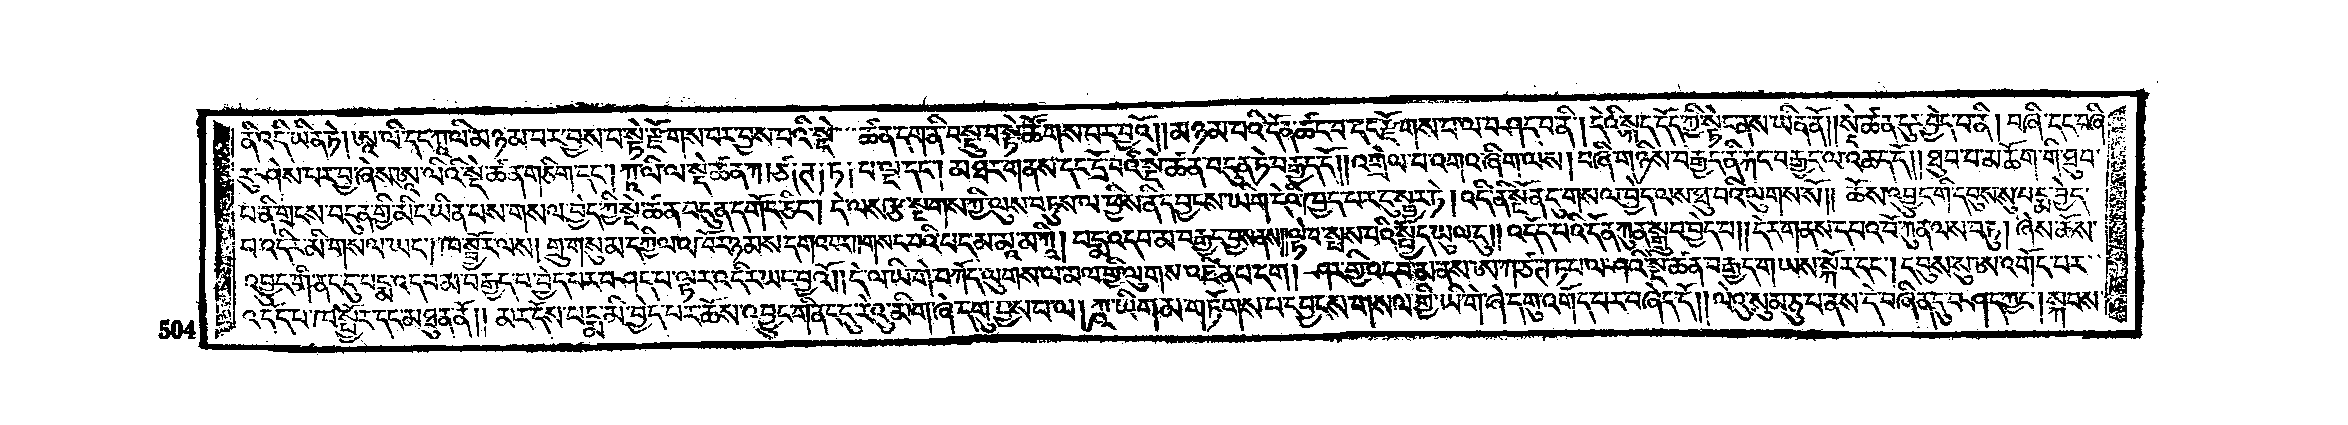ནི་འདི་ཡིན་ཏེ། ཨཱ་ལི་དང་ཀཱ་ལི་མཉམ་པར་བྱས་པ་སྟེ་རྫོགས་པར་བྱས་པའི་སྡེ་ཚན་དག་ནི་བསྡུ་བ་སྟེ་ཚོགས་པར་བྱའོ། །མཉམ་པའི་དོན་ཚང་བ་དང་རྫོགས་པ་ལ་བཤད་པ་ནི། དེའི་སྐད་དོད་ཀྱི་སྟེང་ནས་ཡིན་ནོ། །སྡེ་ཚན་དུར་བྱེད་པ་ནི། བཞི་དང་བཞི་
རུ་ཤེས་པར་བྱ་ཞེས་ཨཱ་ལིའི་སྡེ་ཚན་གཅིག་དང་། ཀཱ་ལི་ལ་སྡེ་ཚན་ཀ། ཙ། ཊ། ཏ། པ་ལྔ་དང་། མཐར་གནས་དང་དྲོ་བའི་སྡེ་ཚན་བདུན་ཏེ་བརྒྱད་དོ། །འགྲེལ་པ་འགའ་ཞིག་ལས། བཞི་གཉིས་བརྒྱད་ནི་རྐང་བརྒྱད་ལ་འཆད་དོ། །ཐུབ་པ་མཆོག་གི་ཐུབ་
པ་ནི་གྲངས་བདུན་གྱི་མིང་ཡིན་པས་གསལ་བྱེད་ཀྱི་སྡེ་ཚན་བདུན་དགོད་ཅིང་། དེ་ལས་རྩ་སྔགས་ཀྱི་ལུས་བཏུས་ལ་ཕྱིས་ནི་དབྱངས་ཡིག་དེའི་ཁྱད་པར་དུ་སྦྱར་ཏེ། འདི་ནི་སྔོན་དུ་གསལ་བྱེད་ལས་ཐུ་བའི་ལུགས་སོ། །ཆོས་འབྱུང་གི་དབུས་སུ་པདམ་བྱེད་
པ་འདིར་མི་གསལ་ཡང་། ཁ་སྦྱོར་ལས། གྲུ་གསུམ་དཀྱིལ་འཁོར་ཉམས་དགའ་བར། །གསང་བའི་པད་མ་མཱ་མ་ཀཱི། པདམ་འདབ་མ་བརྒྱད་བྱས་ནས། །ལྟེ་བ་སྦས་པའི་སྤྱོད་ཡུལ་དུ། །འདོད་པའི་དོན་ཀུན་སྒྲུབ་བྱེད་པ། །དེར་གནས་དཔའ་བོ་ཀུན་ལས་བཏུ། ཞེས་ཆོས་
འབྱུང་གི་ནང་དུ་པདམ་འདབ་མ་བརྒྱད་པ་བྱེད་པར་བཤད་པ་ལྟར་འདིར་ཡང་བྱའོ། །དེ་ལ་ཡི་གེ་བཀོད་ལུགས་ལ་མལ་གྱི་ལུགས་འཛིན་པ་དག །ཤར་གྱི་འདབ་མ་ནས་ཨ་ཀ་ཙ་ཊ་ཏ་པ་ལ་ཤའི་སྡེ་ཚན་བརྒྱད་གཡས་སྐོར་དང་། དབུས་སུ་ཨ་འགོད་པར་
འདོད་པ་ཁ་སྦྱོར་དང་མཐུན་ནོ། །མར་དོས་པདམ་མི་བྱེད་པར་ཆོས་འབྱུང་གི་ནང་དུ་རེའུ་མིག་ཞེ་དགུ་བྱས་པ་ལ། ཀྵ་ཡིག་མ་གཏོགས་པ་དབྱངས་གསལ་གྱི་ཡི་གེ་ཞེ་དགུ་འགོད་པར་བཞེད་དོ། །ལེའུ་སུམ་ཅུ་པ་ནས་དེ་བཞིན་དུ་བཤད་ཀྱང་། སྐབས་